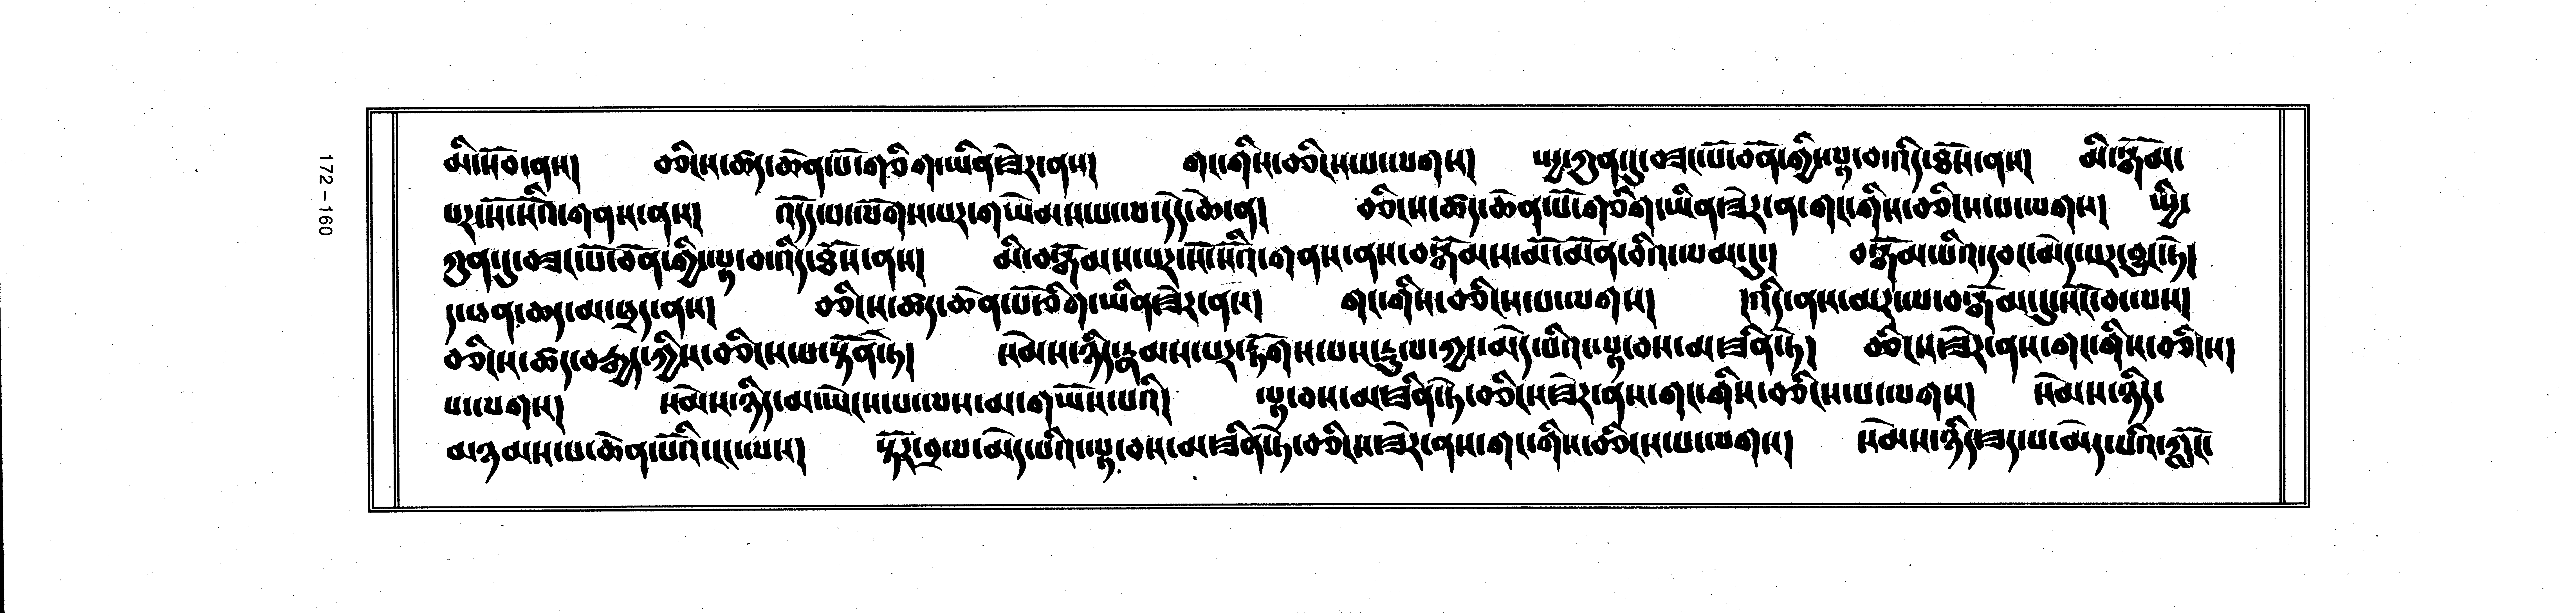མི་སོབ་ནས། བཅིངས་ཚད་ཆེན་པོ་གཅིག་ཡིན་ཟེར་ནས། གང་གིས་བཅིངས་པ་ལགས། སྤྱི་ཀུན་དུ་བཟང་པོ་བོན་གྱི་ལྟ་བ་འདི་ཐོས་ནས། མི་སྒོམ་
པར་སོ་སོའི་གནས་ནས། འདོད་པ་ལོག་པར་གཡེམས་པ་ལ་དད་ཆེ་ན། བཅིངས་ཚད་ཆེན་པོ་གཅིག་ཡིན་ཟེར་ན་གང་གིས་བཅིངས་པ་ལགས། སྤྱི་
ཀུན་དུ་བཟང་པོ་བོན་གྱི་ལྟ་བ་འདི་ཐོས་ནས། མི་བསྒོམས་པར་སོ་སོའི་གནས་ནས་བསྒོམས་མོ་མོན་བའི་ལམ་དུ། བསྒོམ་པའི་དབང་མེད་པར་བྱུང་ཏེ། 
ད་ཕན་ཆད་མ་ཕྲད་ནས། བཅིངས་ཚད་ཆེན་པོ་ཅིག་ཡིན་ཟེར་ནས། གང་གིས་བཅིངས་པ་ལགས། འདི་ནས་མར་ལ་བསྒོམ་དུ་སོང་བ་ལས། 
བཅིངས་ཚད་བརྒྱད་ཀྱིས་བཅིངས་པ་སྟོན་ཏེ། སེམས་ཉིད་རྣམ་པར་རྟོགས་པས་རྡུལ་ཀྱང་མེད་པའི་ལྟ་བས་མ་ཟིན་ཏེ། བཅིངས་ཟེར་ནས་གང་གིས་བཅིངས་
པ་ལགས། སེམས་ཉིད་མ་གཡེང་པ་ལས་མ་གཡོས་པའི། ལྟ་བས་མ་ཟིན་ཏེ་བཅིངས་ཟེར་ནས་གང་གིས་བཅིངས་པ་ལགས། སེམས་ཉིད་
མཉམས་པ་ཆེན་པོའི་ངང་ལས། སྟོར་བྲལ་མེད་པའི་ལྟ་བས་མ་ཟིན་ཏེ་བཅིངས་ཟེར་ནས་གང་གིས་བཅིངས་པ་ལགས། སེམས་ཉིད་ཟད་པ་མེད་པའི་ཀློང་